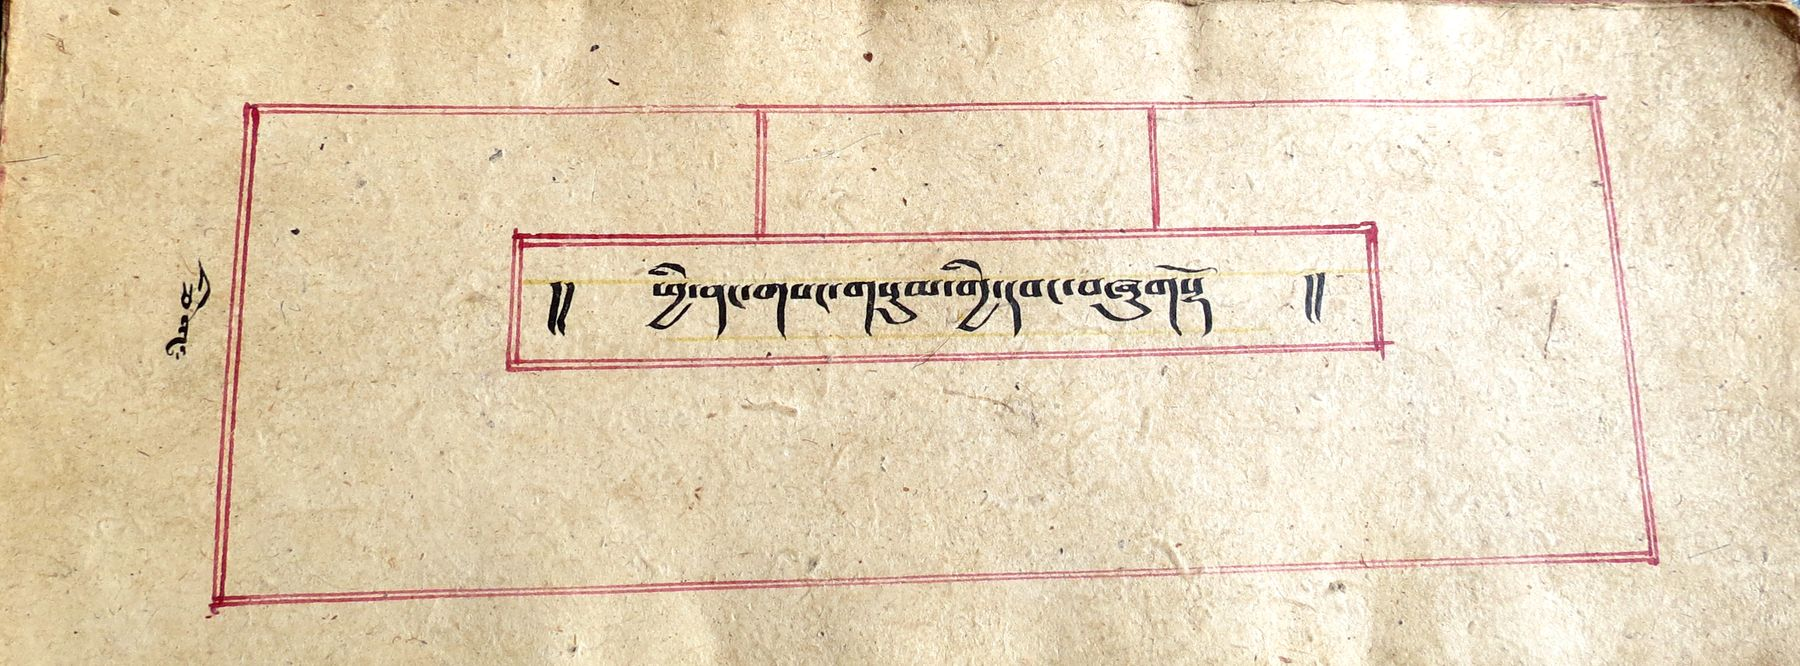ཕྱི་ནང་གསང་གསུམ་གྱི་དབང་བཞུགས་སོ། །